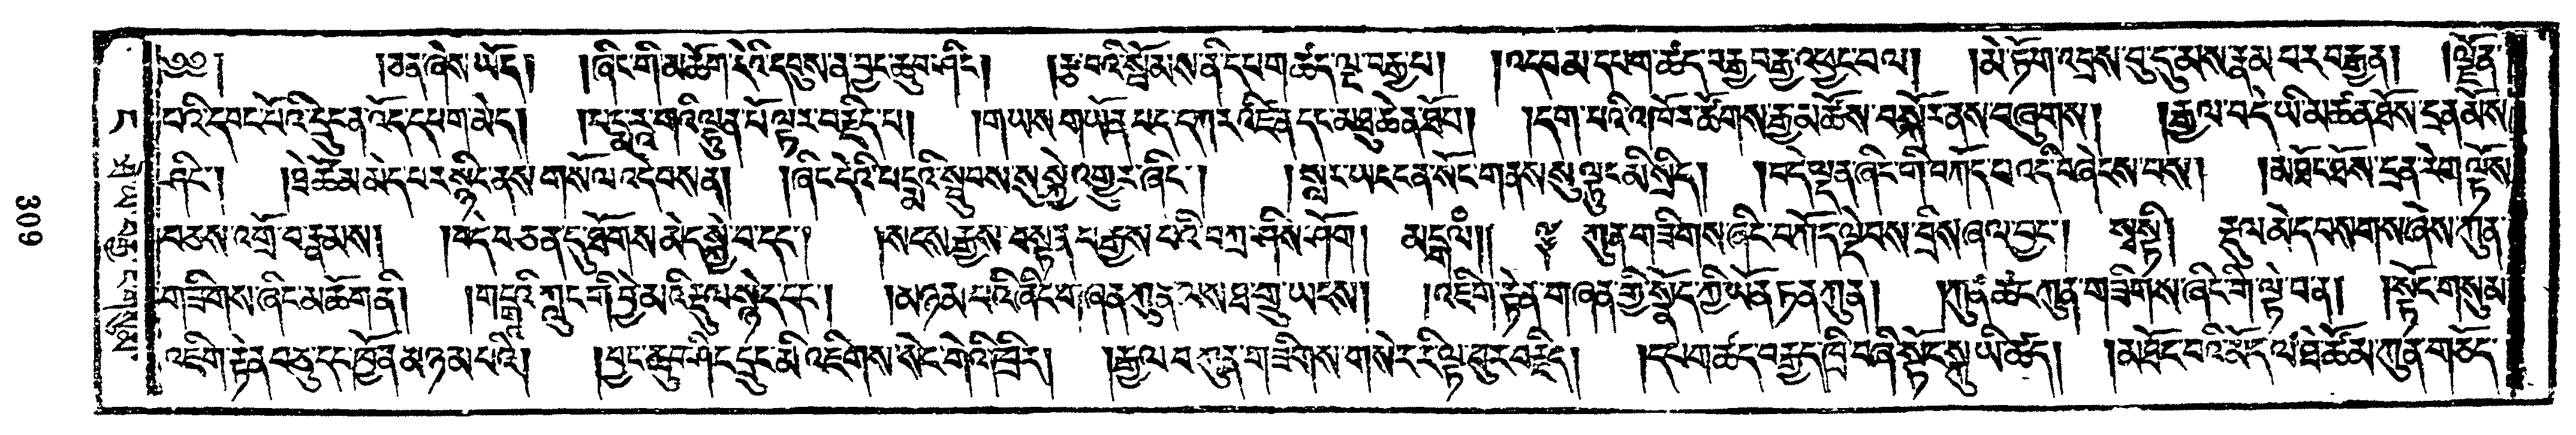༄༅། །ཅན་ཞེས་ཡོད། །ཞིང་གི་མཆོག་དེའི་དབུས་ན་བྱང་ཆུབ་ཤིང་། །རྩ་བའི་སྦོམས་ནི་དཔག་ཚད་ལྔ་བརྒྱ་པ། །འདབ་མ་དཔག་ཚད་བརྒྱ་བརྒྱ་འཕྱང་བ་ལ། །མེ་ཏོག་འབྲས་བུ་དུ་མས་རྣམ་པར་བརྒྱན། །ལྗོན་
པའི་དབང་པོའི་དྲུང་ན་འོད་དཔག་མེད། །པདམ་རཱ་གའི་ལྷུན་པོ་ལྟར་བརྗིད་པ། །གཡས་གཡོན་པད་དཀར་འཛིན་དང་མཐུ་ཆེན་ཐོབ། །དག་པའི་འཁོར་ཚོགས་རྒྱ་མཚོས་བསྐོར་ནས་བཞུགས། །རྒྱལ་བ་དེ་ཡི་མཚན་ཐོས་དྲན་མོས་
ཤིང་། །ཐེ་ཚོམ་མེད་པར་སྙིང་ནས་གསོལ་འདེབས་ན། །ཞིང་དེའི་པདམའི་སྦུབས་སུ་སྐྱེ་འགྱུར་ཞིང་། །སླར་ཡང་ངན་སོང་གནས་སུ་ལྟུང་མི་སྲིད། །བདེ་ལྡན་ཞིང་གི་བཀོད་པ་འདི་བཞེངས་པས། །མཐོང་ཐོས་དྲན་རེག་ལྟོས་
བཅས་འགྲོ་བ་རྣམས། །བདེ་བ་ཅན་དུ་ཐོགས་མེད་སྐྱེ་བ་དང་། །སངས་རྒྱས་བསྟན་པ་རྒྱས་པའི་བཀྲ་ཤིས་ཤོག། མངྒལཾ།། ༈ ཀུན་གཟིགས་ཞིང་བཀོད་ལྡེབས་བྲིས་ཞལ་བྱང་། སྭསྟི། རྡུལ་མེད་བསགས་ཞེས་ཀུན་
གཟིགས་ཞིང་མཆོག་ནི། །གངྒཱའི་ཀླུང་གི་བྱེ་མའི་རྡུལ་སྙེད་དང་། །མཉམ་པའི་ཞིང་གཞན་ཀུན་ལས་ཐ་གྲུ་ཡངས། །འཇིག་རྟེན་གཞན་གྱི་སྣོད་ཀྱི་ཡོན་ཏན་ཀུན། །ཀུན་ཚང་ཀུན་གཟིགས་ཞིང་གི་ལྟེ་བ་ན། །སྟོང་གསུམ་
འཇིག་རྟེན་བཅུ་དང་ཁྱོན་མཉམ་པའི། །བྱང་ཆུབ་ཤིང་དྲུང་མི་འཇིགས་སེང་གེའི་ཁྲིར། །རྒྱལ་བ་ཀུན་གཟིགས་གསེར་རི་ལྟ་བུར་བརྗིད། །དཔག་ཚད་བརྒྱད་ཁྲི་བཞི་སྟོང་སྐུ་ཡི་ཚད། །མཐོང་བའི་མོད་ལ་ཐེ་ཚོམ་ཀུན་གཅོད་